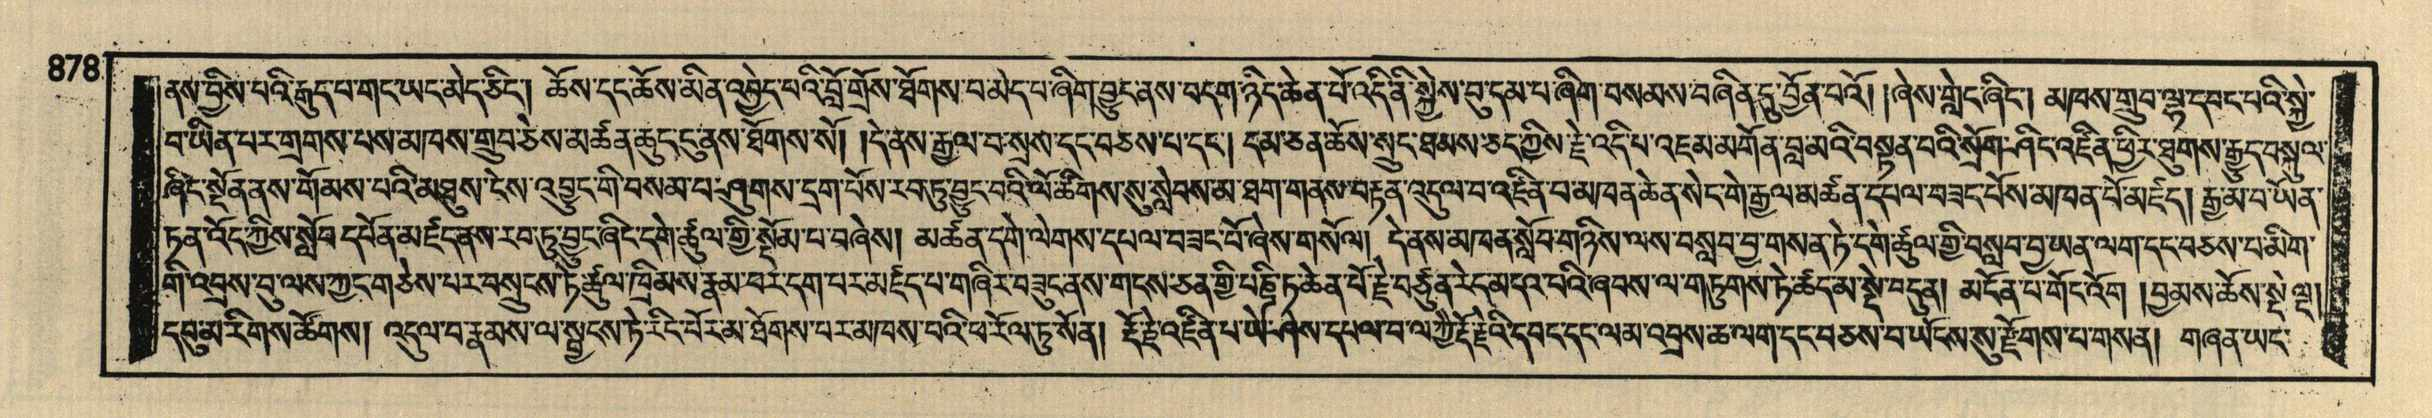ནས་བྱིས་པའི་རྒུད་པ་གང་ཡང་མེད་ཅིང་། ཆོས་དང་ཆོས་མིན་འབྱེད་པའི་བློ་གྲོས་ཐོགས་བ་མེད་པ་ཞིག་བྱུང་ནས་བདག་ཉིད་ཆེན་པོ་འདི་ནི་སྐྱེས་བུ་དམ་པ་ཞིག་བསམས་བཞིན་དུ་བྱོན་པའོ། །ཞེས་གླེང་ཞིང་། མཁས་གྲུབ་ལྷ་དབང་པའི་སྐྱེ་
བ་ཡིན་པར་གྲགས་པས་མཁས་གྲུབ་ཅེས་མཚན་ཆུང་ངུ་ནས་ཐོགས་སོ། །དེ་ནས་རྒྱལ་བ་སྲས་དང་བཅས་པ་དང་། དམ་ཅན་ཆོས་སྲུང་ཐམས་ཅད་ཀྱིས་རྗེ་འདི་པ་འཇམ་མགོན་བླ་མའི་བསྟན་པའི་སྲོག་ཤིང་འཛིན་ཕྱིར་ཐུགས་རྒྱུད་བསྐུལ་
ཞིང་སྔོན་ནས་གོམས་པའི་མཐུས་ངེས་འབྱུང་གི་བསམ་པ་ཤུགས་དྲག་པོས་རབ་ཏུ་བྱུང་བའི་ལོ་ཚིགས་སུ་སླེབས་མ་ཐག་གནས་བརྟན་འདུལ་བ་འཛིན་བ་མཁན་ཆེན་སེང་གེ་རྒྱལ་མཚན་དཔལ་བཟང་པོས་མཁན་པོ་མཛད། རྒྱ་མ་བ་ཡོན་
ཏན་འོད་ཀྱིས་སློབ་དཔོན་མཛད་ནས་རབ་ཏུ་བྱུང་ཞིང་དགེ་ཚུལ་གྱི་སྡོམ་པ་བཞེས། མཚན་དགེ་ལེགས་དཔལ་བཟང་པོ་ཞེས་གསོལ། དེ་ནས་མཁན་སློབ་གཉིས་ལས་བསླབ་བྱ་གསང་ཏེ་དགེ་ཚུལ་གྱི་བསླབ་བྱ་ཡན་ལག་དང་བཅས་པ་མིག་
གི་འབྲས་བུ་ལས་ཀྱང་གཅེས་པར་བསྲུངས་ཏེ་ཚུལ་ཁྲིམས་རྣམ་པར་དག་པར་མཛད་པ་གཟིར་བཟུང་ནས་གངས་ཅན་གྱི་པཎྜི་ཏ་ཆེན་པོ་རྗེ་བཙུན་རེད་མདའ་པའི་ཞབས་ལ་གཏུགས་ཏེ་ཚད་མ་སྡེ་བདུན། མངོན་པ་གོང་འོག །བྱམས་ཆོས་སྡེ་ལྔ།
དབུ་མ་རིགས་ཚོགས། འདུལ་བ་རྣམས་ལ་སྦྱངས་ཏེ་རིང་པོར་མ་ཐོགས་པར་མཁས་པའི་ཕ་རོལ་ཏུ་སོན། རྡོ་རྗེ་འཛིན་པ་ཡེ་ཤེས་དཔལ་བ་ལ་ཀྱཻ་རྡོ་རྗེའི་དབང་དང་ལམ་འབྲས་ཆ་ལག་དང་བཅས་བ་ཡོངས་སུ་རྫོགས་པ་གསན། གཞན་ཡང་